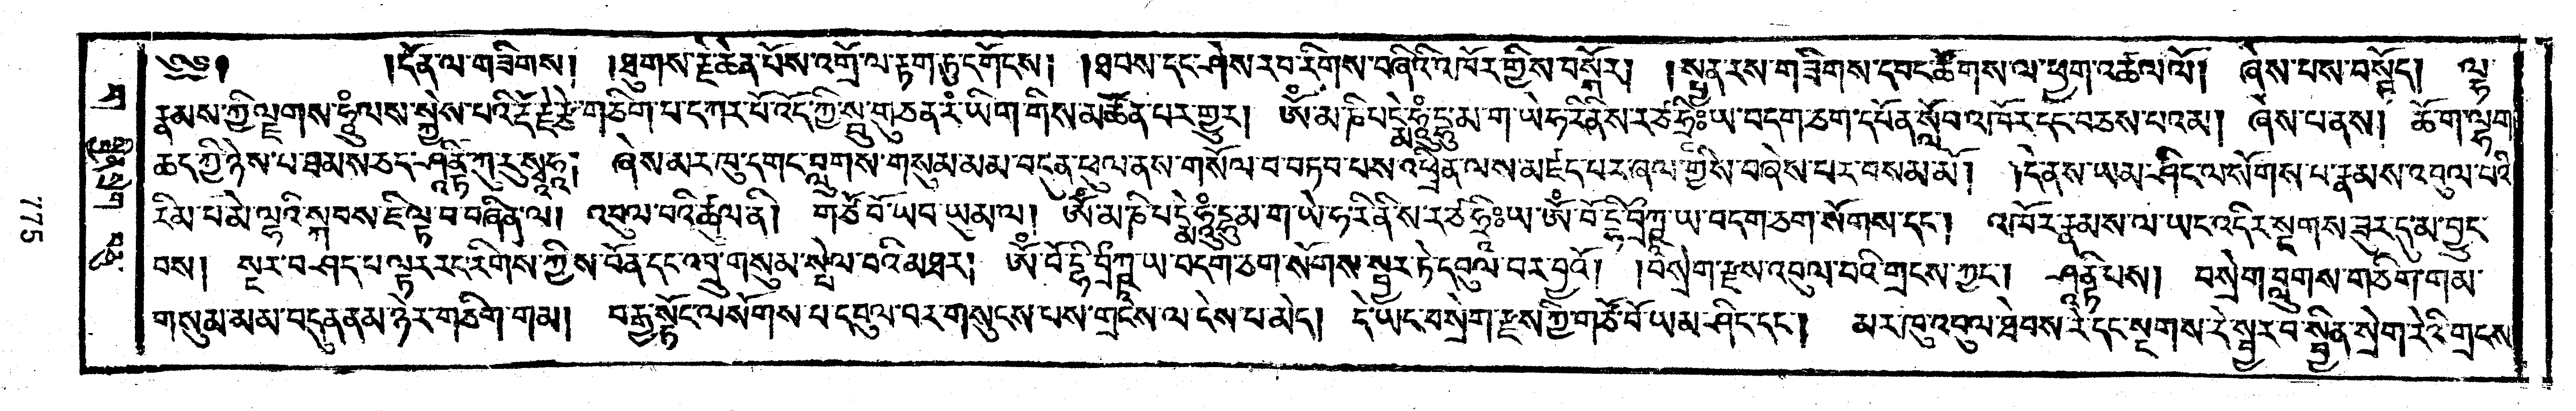༄༅། །དོན་ལ་གཟིགས། །ཐུགས་རྗེ་ཆེན་པོས་འགྲོ་ལ་རྟག་ཏུ་དགོངས། །ཐབས་དང་ཤེས་རབ་རིགས་བཞིའི་འཁོར་གྱིས་བསྒོར། །སྤྱན་རས་གཟིགས་དབང་ཚོགས་ལ་ཕྱག་འཚལ་ལོ། ཞེས་པས་བསྟོད། ལྷ་
རྣམས་ཀྱི་ལྗགས་ཧཱུཾ་ལས་སྐྱེས་པའི་རྡོ་རྗེ་རྩེ་གཅིག་པ་དཀར་པོ་འོད་ཀྱི་སྦུ་གུ་ཅན་རཾ་ཡིག་གིས་མཚོན་པར་གྱུར། ཨོཾ་མ་ཎི་པདམེ་ཧཱུཾ་དྷུ་མ་ག་ཡེ་ཧ་རིནི་ས་ར་ཙ་ཧྲིཿ ཡ་བདག་ཅག་དཔོན་སློབ་འཁོར་དང་བཅས་པའམ། ཞེས་པ་ནས། ཆོ་ག་ལྷག་
ཆད་ཀྱི་ཉེས་པ་ཐམས་ཅད་ཤཱནྟི་ཀུ་རུ་སྭཱཧཱ། ཞེས་མར་ཁུ་དགང་བླུགས་གསུམ་མམ་བདུན་ཕུལ་ནས་གསོལ་བ་བཏབ་པས་འཕྲིན་ལས་མཛད་པར་ཞལ་གྱིས་བཞེས་པར་བསམ་མོ། །དེ་ནས་ཡམ་ཤིང་ལ་སོགས་པ་རྣམས་འབུལ་པའི་
རིམ་པ་མེ་ལྷའི་སྐབས་ཇི་ལྟ་བ་བཞིན་ལ། འབུལ་བའི་ཚུལ་ནི། གཙོ་བོ་ཡབ་ཡུམ་ལ། ཨོཾ་མ་ཎི་པདམེ་ཧཱུཾ་དྷུ་མ་གཡེ་ཧ་རི་ནི་ས་ར་ཙ་ཧྲཱིཿ ཡ་ཨོཾ་བོ་དྷི་བྲྀཀྵཱ་ཡ་བདག་ཅག་སོགས་དང་། འཁོར་རྣམས་ལ་ཡང་འདིར་སྔགས་ཟུར་དུ་མ་བྱུང་
བས། སྔར་བཤད་པ་ལྟར་རང་རིགས་ཀྱི་ས་བོན་དང་འབྲུ་གསུམ་སྤེལ་བའི་མཐར། ཨོཾ་བོ་དྷི་བྲྀཀྵའ་ཡ་བདག་ཅག་སོགས་སྦྱར་ཏེ་དབུལ་བར་བྱའོ། །བསྲེག་རྫས་འབུལ་བའི་གྲངས་ཀྱང་། ཤཱནྟི་པས། བསྲེག་བླུགས་གཅིག་གམ་
གསུམ་མམ་བདུན་ནམ་ཉེར་གཅིག་གམ། བརྒྱ་སྟོང་ལ་སོགས་པ་དབུལ་བར་གསུངས་པས་གྲངས་ལ་ངེས་པ་མེད། དེ་ཡང་བསྲེག་རྫས་ཀྱི་གཙོ་བོ་ཡམ་ཤིང་དང་། མར་ཁུ་འབུལ་ཐེབས་རེ་དང་སྔགས་རེ་སྦྱར་བ་སྦྱིན་སྲེག་རེའི་གྲངས་